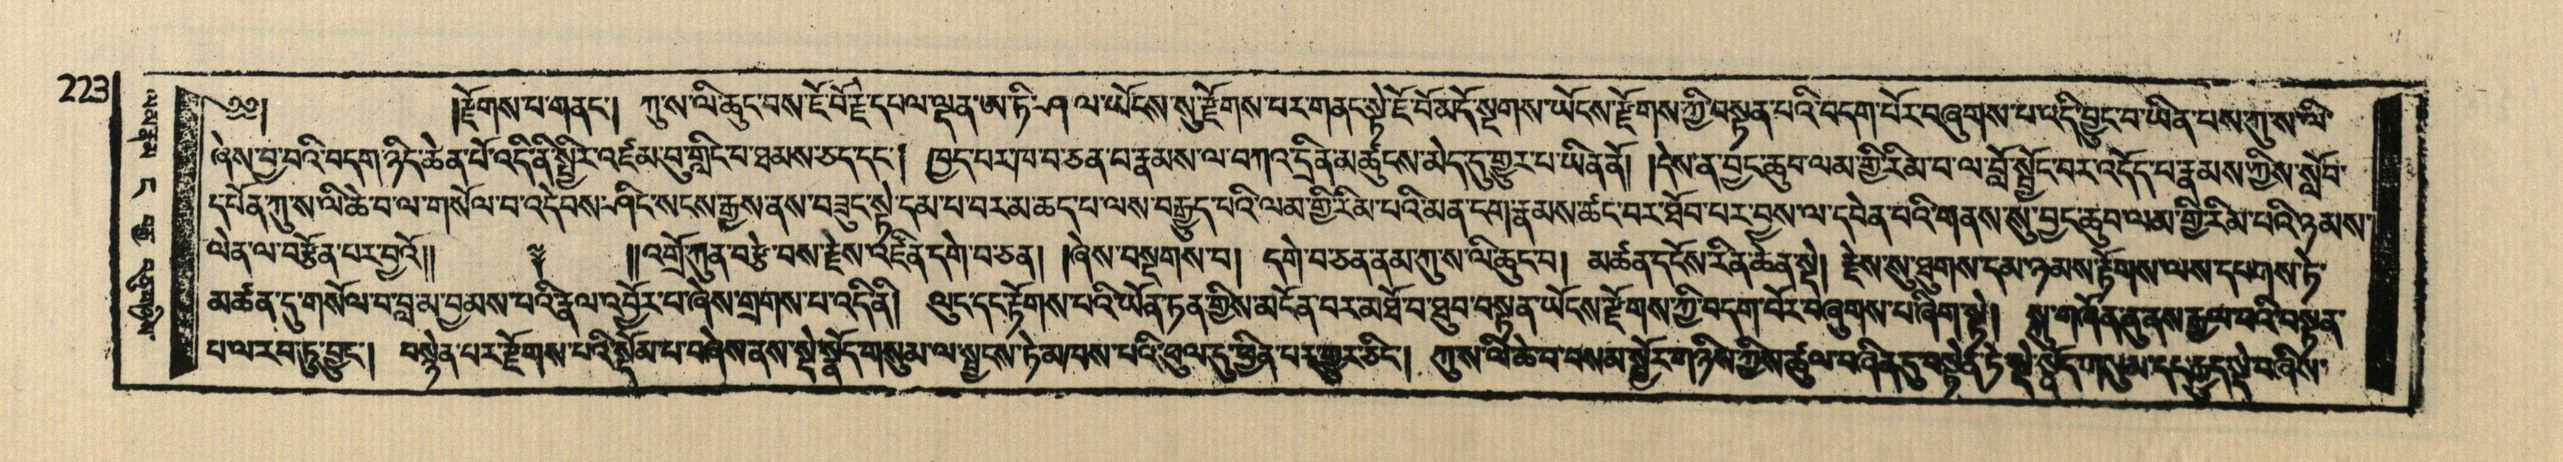༄༅། །རྫོགས་པ་གནང་། ཀུ་ས་ལི་ཆུང་བས་ཇོ་བོ་རྗེ་དཔལ་ལྡན་ཨ་ཏི་ཤ་ལ་ཡོངས་སུ་རྫོགས་པར་གནང་སྟེ་ཇོ་བོ་མདོ་སྔགས་ཡོངས་རྫོགས་ཀྱི་བསྟན་པའི་བདག་པོར་བཞུགས་པ་འདི་བྱུང་བ་ཡིན་པས་ཀུ་ས་ལི་
ཞེས་བྱ་བའི་བདག་ཉིད་ཆེན་པོ་འདི་ནི་སྤྱིར་འཛམ་བུ་གླིང་པ་ཐམས་ཅད་དང་། ཁྱད་པར་ཁ་བ་ཅན་པ་རྣམས་ལ་བཀའ་དྲིན་མཚུངས་མེད་དུ་གྱུར་པ་ཡིན་ནོ། །དེས་ན་བྱང་ཆུབ་ལམ་གྱི་རིམ་པ་ལ་བློ་སྦྱོང་བར་འདོད་པ་རྣམས་ཀྱིས་སློབ་
དཔོན་ཀུ་ས་ལི་ཆེ་བ་ལ་གསོལ་བ་འདེབས་ཤིང་སངས་རྒྱས་ནས་བཟུང་སྟེ་དམ་པ་བར་མ་ཆད་པ་ལས་བརྒྱུད་པའི་ལམ་གྱི་རིམ་པའི་མན་ངག་རྣམས་ཚང་བར་ཐོབ་པར་བྱས་ལ་དབེན་པའི་གནས་སུ་བྱང་ཆུབ་ལམ་གྱི་རིམ་པའི་ཉམས་
ལེན་ལ་བརྩོན་པར་བྱའོ།། ༈ །།འགྲོ་ཀུན་བརྩེ་བས་རྗེས་འཛིན་དགེ་བ་ཅན། །ཞེས་བསྔགས་པ། དགེ་བ་ཅན་ནམ་ཀུ་ས་ལི་ཆུང་བ། མཚན་དངོས་རིན་ཆེན་སྡེ། རྗེས་སུ་ཐུགས་དམ་ཉམས་རྟོགས་ལས་དཔགས་ཏེ་
མཚན་དུ་གསོལ་བ་བླ་མ་བྱམས་པའི་རྣལ་འབྱོར་པ་ཞེས་གྲགས་པ་འདི་ནི། ལུང་དང་རྟོགས་པའི་ཡོན་ཏན་གྱིས་མངོན་བར་མཐོ་བ་ཐུབ་བསྟན་ཡོངས་རྫོགས་ཀྱི་བདག་བོར་བཞུགས་པ་ཞིག་སྟེ། སྐུ་གཞོན་ནུ་ནས་རྒྱལ་བའི་བསྟན་
པ་ལ་རབ་ཏུ་བྱུང་། བསྙེན་པར་རྫོགས་པའི་སྡོམ་པ་བཞེས་ནས་སྡེ་སྣོད་གསུམ་ལ་སྦྱངས་ཏེ་མཁས་པའི་ཕུལ་དུ་ཕྱིན་པར་གྱུར་ཅིང་། ཀུ་ས་ལི་ཆེ་བ་བསམ་སྦྱོར་གཉིས་ཀྱིས་ཚུལ་བཞིན་དུ་བསྟེན་ཏེ་སྡེ་སྣོད་གསུམ་དང་རྒྱུད་སྡེ་བཞིས་